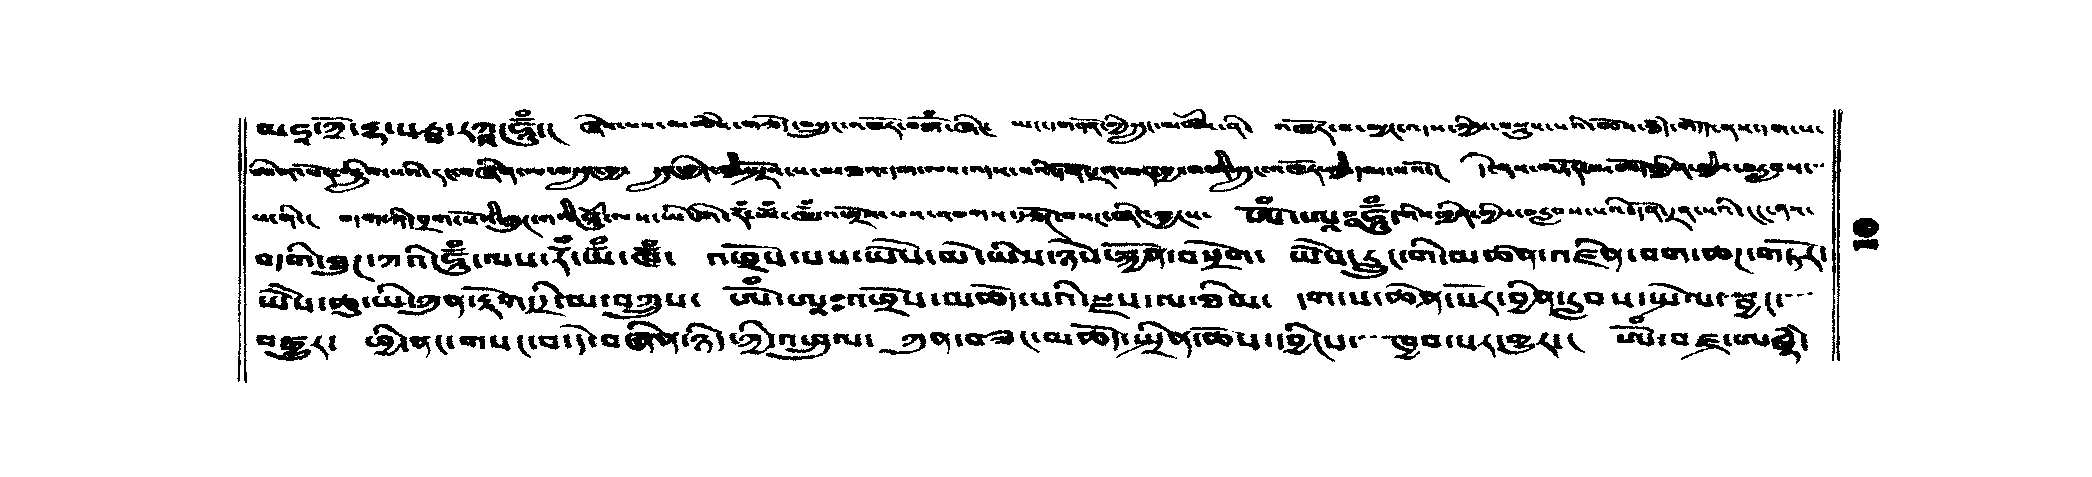མ་ཧཱ་ཀྲོ་དྷ་སརྦ་རཀར་ཧཱུྃ། ཞེས་པས་མཚམས་གཅོད་བསྲུང་འཁོར་བསྒོམ་ཞིང་། ཡང་དག་དོན་གྱི་བསྲུང་མཚམས་ནི། འཁོར་བ་མྱང་འདས་ཀྱི་བསྡུས་པའི་ཆོས་ཐམས་ཅད་གདོད་ནས་དག་པ་
ཆེན་པོར་ལྷུན་གྱིས་གྲུབ་པའི་རང་བཞིན་ལ་བསྲུང་བྱ། སྲུང་བྱེད་ཀྱི་སྤྲོས་པ་མཐའ་དག་ལས་འདས་པའི་དོན་དྲན་པར་བྱ་བ་ནི་སྲུང་འཁོར་གྱི་དམ་པའོ། དེ་ནས་གཏོར་མཆོད་བྱིན་གྱིས་བརླབ་
པ་ནི། བདག་ཉིད་དྲག་པོའི་ཐུགས་ཀའི་ཧཱུྃ་ལས་འབགས་རྩོགས་བསངས་ཞིང་སྦྱངས། ཨོྃ་ཨ་ཧཱུྃ་གིས་བྱིན་གྱིས་བརླབ་པའི་དོན་དྲན་པའི་ངང་ནས། 
བདག་གི་ཐུགས་ཀའི་ཧཱུྃ་ལས་རྃ་ཡྃ་ཁྃ།འཕྲོས་པས་ཡེ་ཤེས་མེ་ཡིས་ཉེས་སྐྱོན་བསྲེག་།ཡེ་ཤེས་རླུང་གི་མཚན་འཛིན་བག་ཆགས་གཏོར། །
ཡེ་ཤེས་ཆུ་ཡིས་ཀུན་རྟོག་དྲི་མ་བཀྲུས། །ཨོྃ་ཨཱཿའཕྲོས་མཆོད་པའི་རྫས་ལ་ཐིམ། །དག་པ་ཆེན་པོར་བྱིན་རླབས་སྤེལ་སྦྱང་
བསྒྱུར། །ཕྱི་ནང་གསང་བ་དེ་བཞིན་ཉིད་ཀྱིས་འཕྲུལ། །ཀུན་བཟང་མཆོད་སྤྲིན་ཆོས་དབྱིངས་ཁྱབ་པར་གྱུར། །ཨོྃ་བཛྲ་ཨརྒྷཾ་